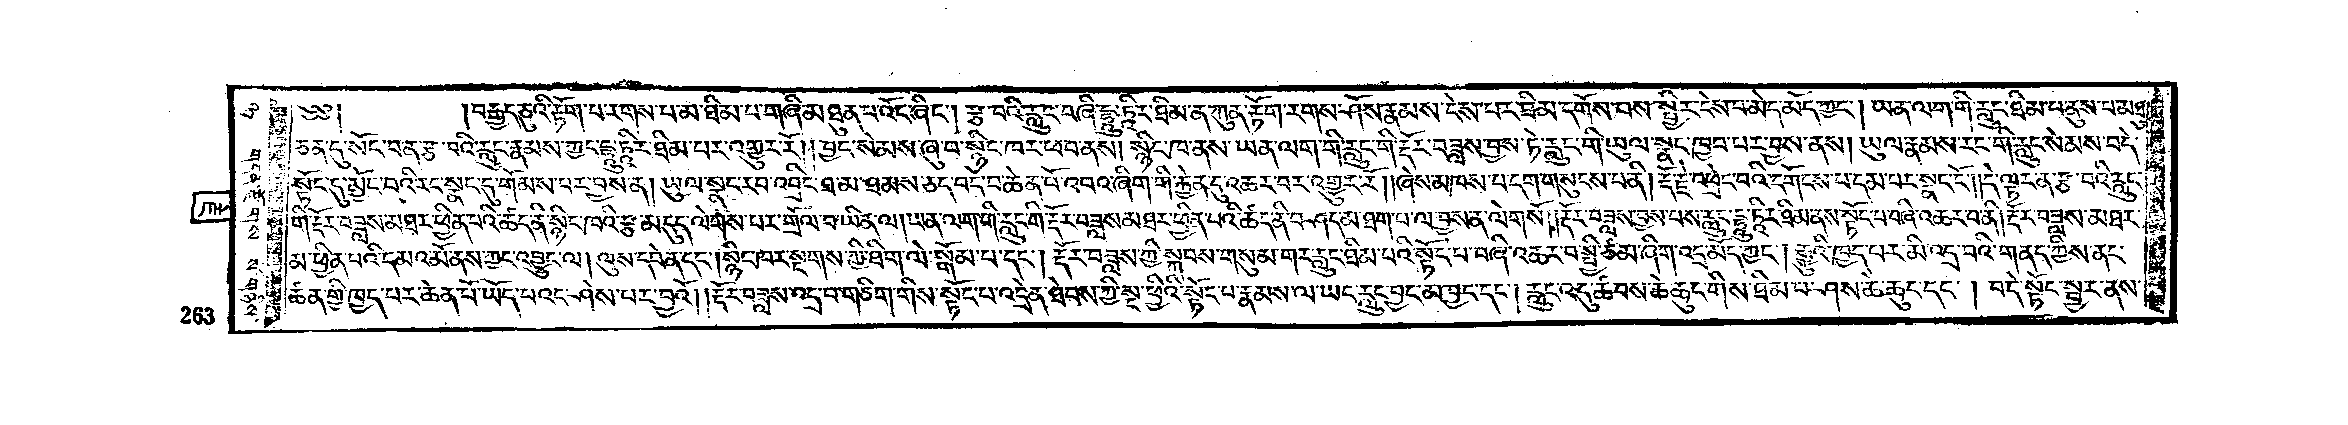༄༅། །བརྒྱད་ཅུའི་རྟོག་པ་རགས་པ་མ་ཐིམ་པ་གཞི་མཐུན་པ་འོང་ཞིང་། རྩ་བའི་རླུང་བཞི་དྷཱུ་ཏཱིར་ཐིམ་ན་ཀུན་རྟོག་རགས་ཤོས་རྣམས་ངེས་པར་ཐིམ་དགོས་པས་སྤྱིར་ངེས་པ་མེད་མོད་ཀྱང་། ཡན་ལག་གི་རླུང་ཐིམ་པ་ནུས་པ་མཐུ་
ཅན་དུ་སོང་བ་ན་རྩ་བའི་རླུང་རྣམས་ཀྱང་དྷཱུ་ཏཱིར་ཐིམ་པར་འགྱུར་རོ། །བྱང་སེམས་ཞུ་བ་སྙིང་ཁར་ཕབ་ནས། སྙིང་ཁ་ནས་ཡན་ལག་གི་རླུང་གི་རྡོར་བཟླས་བྱས་ཏེ་རླུང་གི་ཡུལ་སྣང་ཁྱབ་པར་བྱས་ནས། ཡུལ་རྣམས་རང་གི་རླུང་སེམས་བདེ་
སྟོང་དུ་མྱོང་བའི་རང་སྣང་དུ་གོམས་པར་བྱས་ན། ཡུལ་སྣང་རབ་འབྲིང་ཐ་མ་ཐམས་ཅད་བདེ་བ་ཆེན་པོ་འབའ་ཞིག་གི་རྐྱེན་དུ་འཆར་བར་འགྱུར་རོ། །ཞེས་མཁས་པ་དག་གསུངས་པ་ནི། རྡོ་རྗེ་འཕྲེང་བའི་དགོངས་པ་དམ་པར་སྣང་ངོ། །དེ་ལྟར་ན་རྩ་བའི་རླུང་
གི་རྡོར་བཟླས་མཐར་ཕྱིན་པའི་ཚད་ནི་སྙིང་ཁའི་རྩ་མདུད་ལེགས་པར་གྲོལ་བ་ཡིན་ལ། ཡན་ལག་གི་རླུང་གི་རྡོར་བཟླས་མཐར་ཕྱིན་པའི་ཚད་ནི་བཤད་མ་ཐག་པ་ལ་བྱས་ན་ལེགས་སོ། །རྡོར་བཟླས་བྱས་པས་རླུང་དྷཱུ་ཏཱིར་ཐིམ་ནས་སྟོང་པ་བཞི་འཆར་བ་ནི། རྡོར་བཟླས་མཐར་
མ་ཕྱིན་པའི་དམའ་མོ་ནས་ཀྱང་འབྱུང་ལ། ལུས་དབེན་དང་། སྙིང་ཁར་སྔགས་ཀྱི་ཐིག་ལེ་སྒོམ་པ་དང་། རྡོར་བཟླས་ཀྱི་སྐབས་གསུམ་གར་རླུང་ཐིམ་པའི་སྟོང་པ་བཞི་འཆར་བ་སྤྱི་ཙམ་ཞིག་འདྲ་མོད་ཀྱང་། རྒྱུའི་ཁྱད་པར་མི་འདྲ་བའི་གནད་ཀྱིས་ནང་
ཚན་གྱི་ཁྱད་པར་ཆེན་པོ་ཡོད་པའང་ཤེས་པར་བྱའོ། །རྡོར་བཟླས་འདྲ་བ་གཅིག་གིས་སྟོང་པ་འདྲེན་ཐེབས་ཀྱི་སྔ་ཕྱིའི་སྟོང་པ་རྣམས་ལ་ཡང་རླུང་བྱང་མ་བྱང་དང་། རླུང་འདུ་ཚབས་ཆེ་ཆུང་གིས་ཐིམ་པ་ཤས་ཆེ་ཆུང་དང་། བདེ་སྟོང་སྦྱར་ནས་